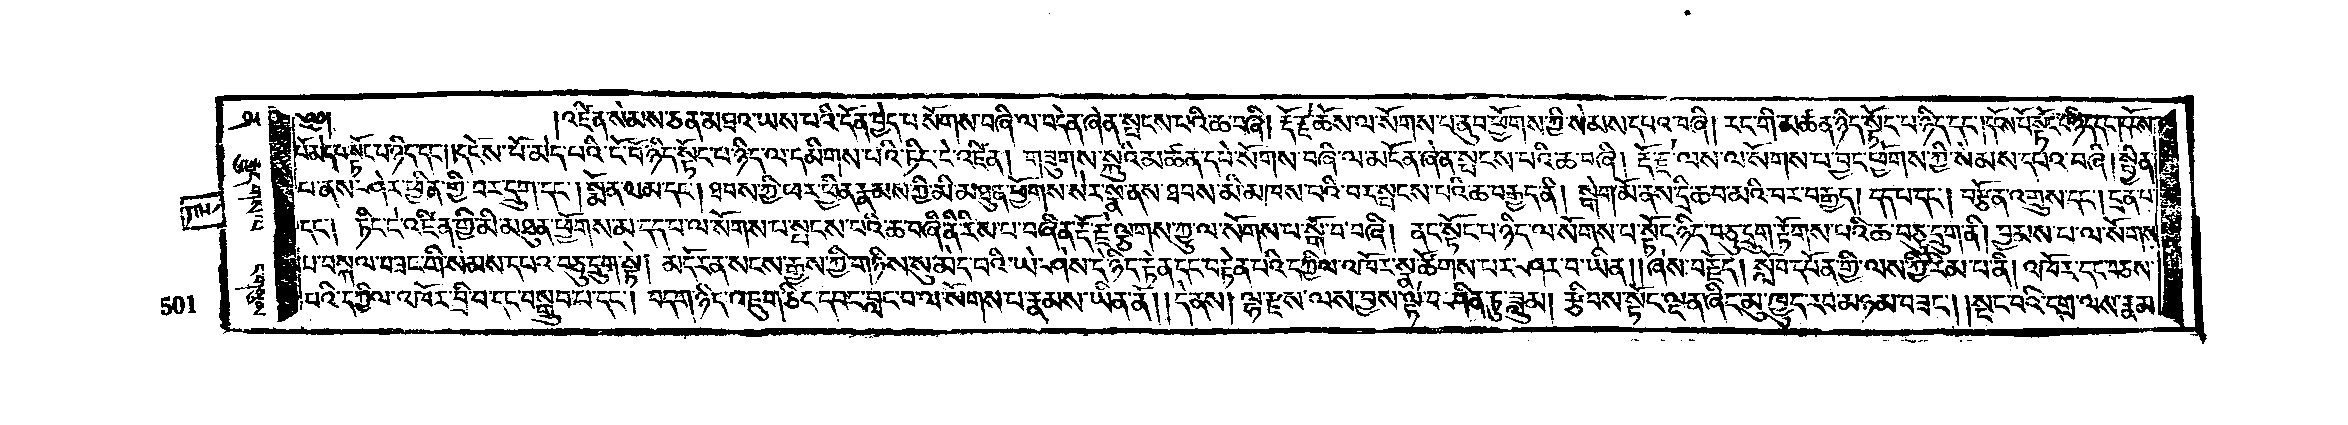༄༅། །འཛིན་སེམས་ཅན་མཐའ་ཡས་པའི་དོན་བྱེད་པ་སོགས་བཞི་ལ་བདེན་ཞེན་སྤངས་པའི་ཆ་བཞི། རྡོ་རྗེ་ཆོས་ལ་སོགས་པ་ནུབ་ཕྱོགས་ཀྱི་སེམས་དཔའ་བཞི། རང་གི་མཚན་ཉིད་སྟོང་པ་ཉིད་དང་། དངོས་པོ་སྟོང་པ་ཉིད་དང་།
དངོས་པོ་མེད་པ་སྟོང་པ་ཉིད་དང་། །དངོས་པོ་མེད་པའི་ངོ་བོ་ཉིད་སྟོང་པ་ཉིད་ལ་དམིགས་པའི་ཏིང་ངེ་འཛིན། གཟུགས་སྐུའི་མཚན་དཔེ་སོགས་བཞི་ལ་མངོན་ཞེན་སྤངས་པའི་ཆ་བཞི། རྡོ་རྗེ་ལས་ལ་སོགས་པ་བྱང་ཕྱོགས་ཀྱི་སེམས་དཔའ་བཞི། སྦྱིན་
པ་ནས་ཤེར་ཕྱིན་གྱི་བར་དྲུག་དང་། སྨོན་ལམ་དང་། ཐབས་ཀྱི་ཕར་ཕྱིན་རྣམས་ཀྱི་མི་མཐུན་ཕྱོགས་སེར་སྣ་ནས་ཐབས་མི་མཁས་པའི་བར་སྤངས་པའི་ཆ་བརྒྱད་ནི། སྒེག་མོ་ནས་དྲི་ཆབ་མའི་བར་བརྒྱད། དད་པ་དང་། བརྩོན་འགྲུས་དང་། དྲན་པ་
དང་། ཏིང་ངེ་འཛིན་གྱི་མི་མཐུན་ཕྱོགས་མ་དད་པ་ལ་སོགས་པ་སྤངས་པའི་ཆ་བཞི་ནི་རིམ་པ་བཞིན་རྡོ་རྗེ་ལྕགས་ཀྱུ་ལ་སོགས་པ་སྒོ་བ་བཞི། ནང་སྟོང་པ་ཉིད་ལ་སོགས་པ་སྟོང་ཉིད་བཅུ་དྲུག་རྟོགས་པའི་ཆ་བཅུ་དྲུག་ནི། བྱམས་པ་ལ་སོགས་
པ་བསྐལ་བཟང་གི་སེམས་དཔའ་བཅུ་དྲུག་སྟེ། མདོར་ན་སངས་རྒྱས་ཀྱི་གཉིས་སུ་མེད་པའི་ཡེ་ཤེས་དེ་ཉིད་རྟེན་དང་བརྟེན་པའི་དཀྱིལ་འཁོར་སྣ་ཚོགས་པར་ཤར་བ་ཡིན། །ཞེས་བརྗོད། སློབ་དཔོན་གྱི་ལས་ཀྱི་རིམ་པ་ནི། འཁོར་དང་བཅས་
པའི་དཀྱིལ་འཁོར་བྲི་བ་དང་བསྒྲུབ་པ་དང་། བདག་ཉིད་འཇུག་ཅིང་དབང་བླང་བ་ལ་སོགས་པ་རྣམས་ཡིན་ནོ། །དེ་ནས། ལྷ་རྫས་ལས་བྱས་ལྟེ་བ་ཤིན་ཏུ་ཟླུམ། རྩིབས་སྟོང་ལྡན་ཞིང་མུ་ཁྱུད་རབ་མཉམ་བཟང་། །སྡང་བའི་དགྲ་ལས་རྣམ་